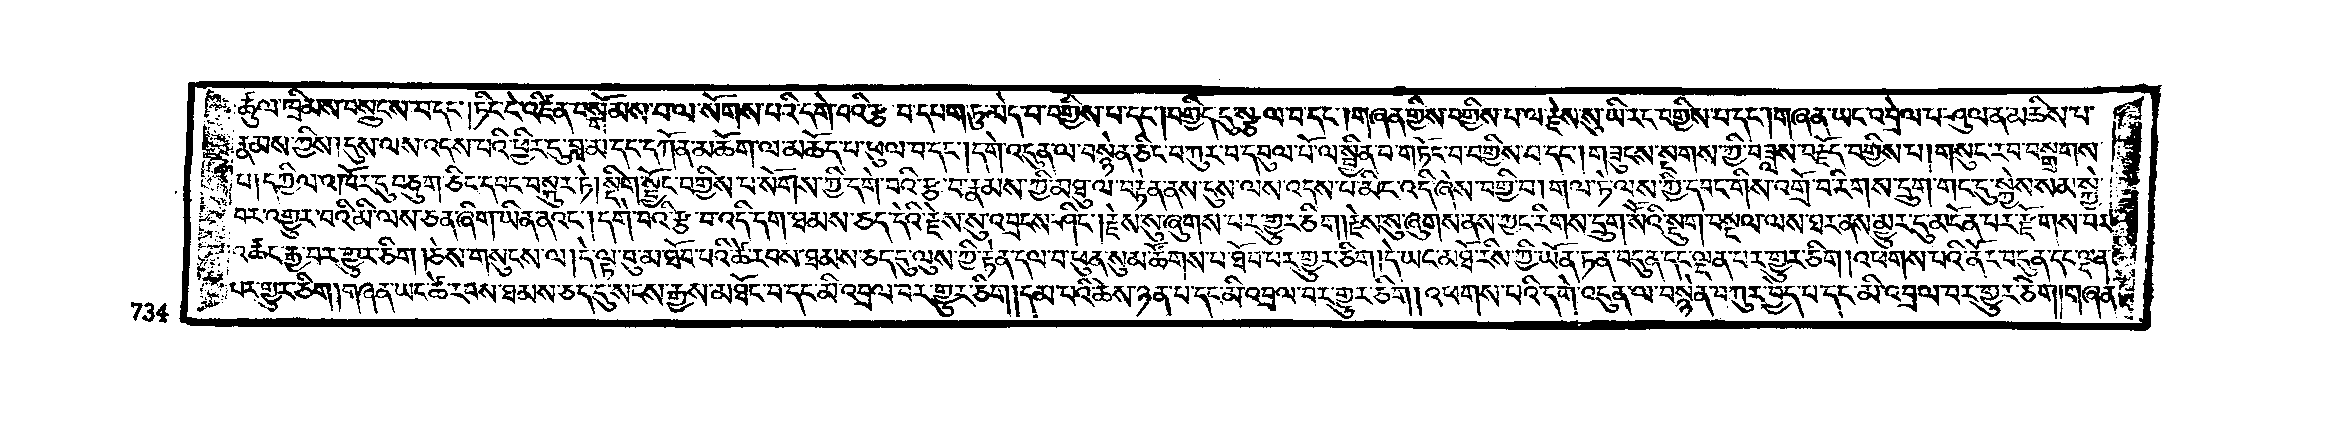ཚུལ་ཁྲིམས་བསྲུངས་བ་དང་། ཏིང་ངེ་འཛིན་བསྒོམས་པ་ལ་སོགས་པའི་དགེ་བའི་རྩ་བ་དཔག་ཏུ་མེད་པ་བགྱིས་པ་དང་། བགྱིད་དུ་སྩལ་བ་དང་། གཞན་གྱིས་བགྱིས་པ་ལ་རྗེས་སུ་ཡི་རང་བགྱིས་པ་དང་། གཞན་ཡང་འབྲེལ་པ་ཤུལ་ན་མཆིས་པ་
རྣམས་ཀྱིས། དུས་ལས་འདས་པའི་ཕྱིར་དུ་བླ་མ་དང་དཀོན་མཆོག་ལ་མཆོད་པ་ཕུལ་བ་དང་། དགེ་འདུན་ལ་བསྙེན་ཅིང་བཀུར་བ་དབུལ་པོ་ལ་སྦྱིན་པ་གཏོང་བ་བགྱིས་པ་དང་། གཟུངས་སྔགས་ཀྱི་བཟླས་བརྗོད་བགྱིས་པ། གསུང་རབ་བསྒྲགས་
པ། དཀྱིལ་འཁོར་དུ་བཅུག་ཅིང་དབང་བསྐུར་ཏེ། སྡིག་སྦྱོང་བགྱིས་པ་སོགས་ཀྱི་དགེ་བའི་རྩ་བ་རྣམས་ཀྱི་མཐུ་ལ་བརྟེན་ནས་དུས་ལས་འདས་པ་མིང་འདི་ཞེས་བགྱི་བ། གལ་ཏེ་ལས་ཀྱི་དབང་གིས་འགྲོ་བ་རིགས་དྲུག་གང་དུ་སྐྱེས་སམ་སྐྱེ་
བར་འགྱུར་བའི་མི་ལས་ཅན་ཞིག་ཡིན་ནའང་། དགེ་བའི་རྩ་བ་འདི་དག་ཐམས་ཅད་དེའི་རྗེས་སུ་འབྲངས་ཤིང་། རྗེས་སུ་ཞུགས་པར་གྱུར་ཅིག །རྗེས་སུ་ཞུགས་ནས་ཀྱང་རིགས་དྲུག་སོ་སོའི་སྡུག་བསྔལ་ལས་ཐར་ནས་མྱུར་དུ་མངོན་པར་རྫོགས་པར་
འཚང་རྒྱ་བར་གྱུར་ཅིག །ཅེས་གསུངས་ལ། དེ་ལྟ་བུ་མ་ཐོབ་པའི་ཚེ་རབས་ཐམས་ཅད་དུ་ལུས་ཀྱི་རྟེན་དལ་བ་ཕུན་སུམ་ཚོགས་པ་ཐོབ་པར་གྱུར་ཅིག །དེ་ཡང་མཐོ་རིས་ཀྱི་ཡོན་ཏན་བདུན་དང་ལྡན་པར་གྱུར་ཅིག །འཕགས་པའི་ནེར་བདུན་དང་ལྡན་
པར་གྱུར་ཅིག །གཞན་ཡང་ཚེ་རབས་ཐམས་ཅད་དུ་སངས་རྒྱས་མཐོང་བ་དང་མི་འབྲལ་བར་གྱུར་ཅིག །དམ་པའི་ཆོས་ཉན་པ་དང་མི་འབྲལ་བར་གྱུར་ཅིག །འཕགས་པའི་དགེ་འདུན་ལ་བསྙེན་བཀུར་བྱེད་པ་དང་མི་འབྲལ་བར་གྱུར་ཅིག །གཞན་